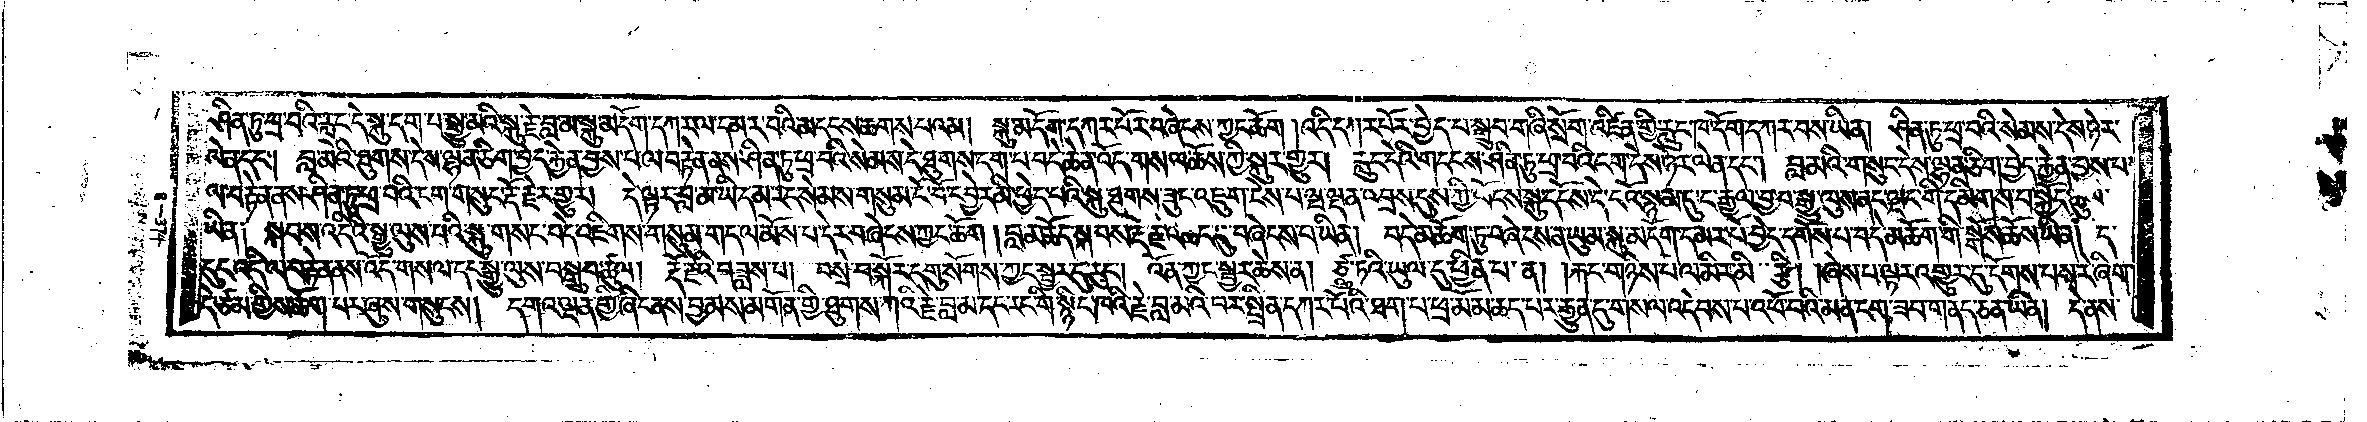ཤིན་ཏུ་ཕྲ་བའི་རླུང་དེ་སྐུ་དག་པ་སྒྱུ་མའི་སྐུ་རྗེ་བླ་མ་སྐུ་མདོག་དཀར་ལ་དམར་བའི་མདངས་ཆགས་པའམ། སྐུ་མདོག་དཀར་པོར་བཞེངས་ཀྱང་ཆོག །འདི་དཀར་པོར་བྱེད་པ་སྒྲུབ་གཞི་སྲོག་འཛིན་གྱི་རླུང་ཁ་དོག་དཀར་བས་ཡིན། ཤིན་ཏུ་ཕྲ་བའི་སེམས་དེས་ཉེར་
ལེན་དང་། བླ་མའི་ཐུགས་དེས་ལྷན་ཅིག་བྱེད་རྐྱེན་བྱས་པ་ལ་བརྟེན་ནས་ཤིན་ཏུ་ཕྲ་བའི་སེམས་དེ་ཐུགས་ངག་པ་བདེ་ཆེན་འོད་གསལ་ཆོས་ཀྱི་སྐུར་གྱུར། རླུང་དེའི་གདངས་ཤིན་ཏུ་ཕྲ་བའི་ངག་དེས་ཉེར་ལེན་དང་། བླ་མའི་གསུང་དེས་ལྷན་ཅིག་བྱེད་རྐྱེན་བྱས་པ་
ལ་བརྟེན་ནས་ཤིན་ཏུ་ཕྲ་བའི་ངག་གསུང་རྡོ་རྗེར་གྱུར། དེ་ལྟར་བླ་མ་ཡི་དམ་རང་སེམས་གསུམ་ངོ་བོ་དབྱེར་མི་ཕྱེད་པའི་སྐུ་ཐུགས་ཟུང་འཇུག་ངེས་པ་ལྔ་ལྡན་འབྲས་དུས་ཀྱི་ལོངས་སྐུ་དངོས་དེ་ངའོ་སྙམ་དུ་ང་རྒྱལ་བྱ་བ་སྒྱུ་ལུས་ནང་ལྡང་གི་དམིགས་པ་སྐྱོང་ཚུལ་
ཡིན། སྐབས་འདིའི་སྒྱུ་ལུས་པའི་སྐུ་གསང་བདེ་འཇིགས་གསུམ་གང་ལ་མོས་པ་དེར་བཞེངས་ཀྱང་ཆོག །བླ་མ་ཆོད་སྐབས་རྡོ་རྗེ་འཆང་དུ་བཞེངས་པ་ཡིན། བདེ་མཆོག་ཏུ་བཞེངས་ན་ཡུམ་སྐུ་མདོག་དམར་པོ་བྱེད་དགོས་པ་བདེ་མཆོག་གི་སྒོས་ཆོས་ཡིན། ད་
དུང་འདི་ལ་བརྟེན་ནས་འོད་གསལ་དང་སྒྱུ་ལུས་བསྒྲུབ་ཚུལ། རྡོ་རྗེའི་བཟླས་པ། བསྲེ་བ་སྐོར་དགུ་སོགས་ཀྱང་སྦྱར་དུ་རུང་། འོན་ཀྱང་སྦྱར་ཆེས་ན། ཙཱུ་ཏའི་ཡུལ་དུ་ཕྱིན་པ་ན། །རྐང་གཉིས་པ་ལ་མིར་མི་རྩི། །ཞེས་པ་ལྟར་འགྱུར་དུ་དོགས་པས་རེ་ཞིག་
དེ་ཙམ་གྱིས་ཆོག་པར་ཞུས་གསུངས། དགའ་ལྡན་གྱི་ཞིང་ནས་བྱམས་མགོན་གྱི་ཐུགས་ཀའི་རྗེ་བླ་མ་དང་རང་གི་སྙིང་ཁའི་རྗེ་བླ་མའི་བར་སྤྲིན་དཀར་པོའི་ཐག་པ་ཕྲ་མོ་མ་ཆད་པར་རྒྱུན་དུ་གསལ་འདེབས་པ་འཕོ་བའི་མན་ངག་ཟབ་གནད་ཅན་ཡིན། དེ་ནས་